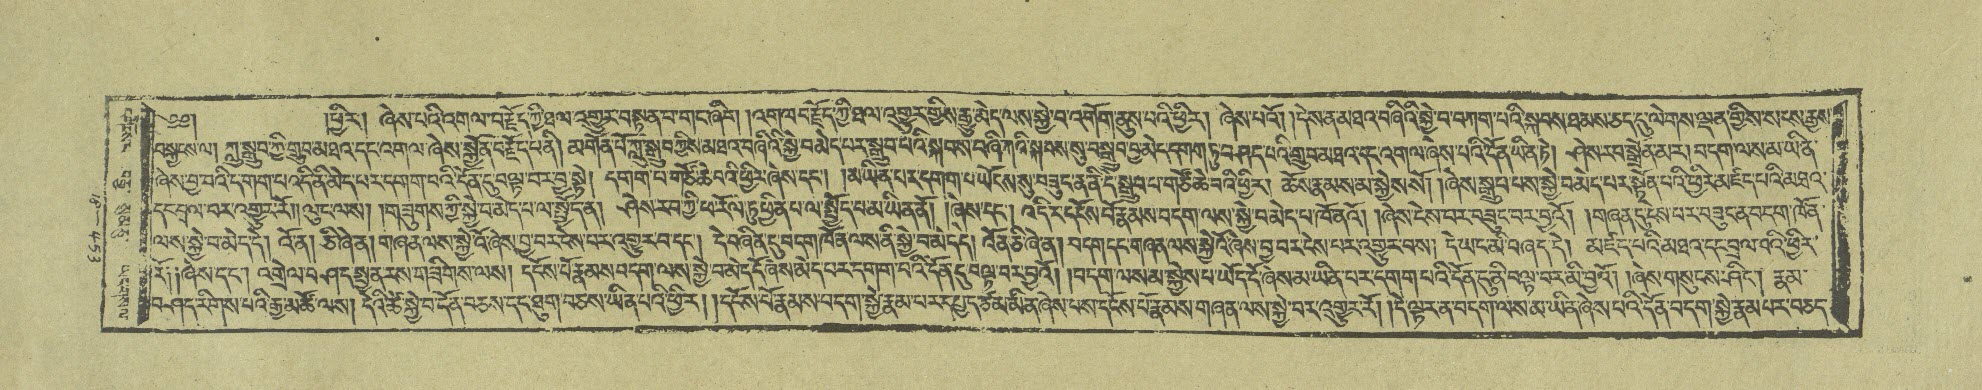༄༅། །ཕྱིར། ཞེས་པའི་འགལ་བརྗོད་ཀྱི་ཐལ་འགྱུར་བསྟན་པ་གང་ཞིག །འགལ་བརྗོད་ཀྱི་ཐལ་འགྱུར་གྱིས་རྒྱུ་མེད་ལས་སྐྱེ་བ་འགག་ནུས་པའི་ཕྱིར། ཞེས་པའོ། །དེས་ན་མཐའ་བཞིའི་སྐྱེ་བ་བཀག་པའི་སྐབས་ཐམས་ཅད་དུ་ལེགས་ལྡན་གྱིས་སངས་རྒྱས་
བསྐྱངས་ལ། ཀླུ་སྒྲུབ་ཀྱི་གྲུབ་མཐའ་དང་འགལ་ཞེས་སྐྱོན་བརྗོད་པ་ནི། མགོན་པོ་ཀླུ་སྒྲུབ་ཀྱིས་མཐའ་བཞིའི་སྐྱེ་བ་མེད་པར་སྒྲུབ་པའི་སྐབས་བཞི་ཀའི་སྐབས་སུ་བསྒྲུབ་བྱ་མེད་དགག་ཏུ་བཤད་པའི་གྲུབ་མཐའ་དང་འགལ་ཞེས་པའི་དོན་ཡིན་ཏེ། ཤེས་རབ་སྒྲོན་མར། བདག་ལས་མ་ཡིན་
ཞེས་བྱ་བའི་དགག་པ་འདི་ནི་མེད་པར་དགག་པའི་དོན་དུ་བལྟ་བར་བྱ་སྟེ། དགག་པ་གཙོ་ཆེ་བའི་ཕྱིར་ཞེས་དང་། །མ་ཡིན་པར་དགག་པ་ཡོངས་སུ་བཟུང་ན་ནི་དེ་སྒྲུབ་པ་གཙོ་ཆེ་བའི་ཕྱིར། ཆོས་རྣམས་མ་སྐྱེས་སོ། །ཞེས་སྒྲུབ་པས་སྐྱེ་བ་མེད་པར་སྟོན་པའི་ཕྱིར་མཛད་པའི་མཐའ་
དང་བྲལ་བར་འགྱུར་རོ། །ལུང་ལས། །གཟུགས་ཀྱི་སྐྱེ་བ་མེད་པ་ལ་སྤྱོད་ན། ཤེས་རབ་ཀྱི་ཕ་རོལ་ཏུ་ཕྱིན་པ་ལ་སྤྱོད་པ་མ་ཡིན་ནོ། །ཞེས་དང་། འདིར་དངོས་པོ་རྣམས་བདག་ལས་སྐྱེ་བ་མེད་པ་ཁོ་ནའོ། །ཞེས་ངེས་པར་བཟུང་བར་བྱའོ། །གཞན་དུ་ངེས་པར་བཟུང་ན་བདག་ཁོ་ན་
ལས་སྐྱེ་བ་མེད་དེ། འོ་ན། ཅི་ཞེ་ན། གཞན་ལས་སྐྱེའོ་ཞེས་བྱ་བར་ངེས་པར་འགྱུར་བ་དང་། དེ་བཞིན་དུ་བདག་ཁོ་ན་ལས་ནི་སྐྱེ་བ་མེད་དེ། འོ་ན་ཅི་ཞེ་ན། བདག་དང་གཞན་ལས་སྐྱེའོ་ཞེས་བྱ་བར་ངེས་པར་འགྱུར་པས། དེ་ཡང་མི་བཞད་དེ། མཛད་པའི་མཐའ་དང་བྲལ་བའི་ཕྱིར་
རོ། །ཞེས་དང་། འགྲེལ་བཤད་སྤྱན་རས་གཟིགས་ལས། དངོས་པོ་རྣམས་བདག་ལས་སྐྱེ་བ་མེད་དོ་ཞེས་མེད་པར་དགག་པའི་དོན་དུ་བལྟ་བར་བྱའོ། །བདག་ལས་མ་སྐྱེས་བ་ཡོད་དོ་ཞེས་མ་ཡིན་པར་དགག་པའི་དོན་དུ་ནི་བལྟ་བར་མི་བྱའོ། །ཞེས་གསུངས་ཤིང་། རྣམ་
བཤད་རིགས་པའི་རྒྱ་མཚོ་ལས། དེའི་ཚེ་སྐྱེ་བ་དོན་བཅས་དང་ཐུག་བཅས་ཡིན་པའི་ཕྱིར། །དངོས་པོ་རྣམས་བདག་སྐྱེ་རྣམ་པར་བཅད་ཙམ་མིན་ཞེས་པས་དངོས་པོ་རྣམས་གཞན་ལས་སྐྱེ་བར་འགྱུར་རོ། །དེ་ལྟར་ན་བདག་ལས་མ་ཡིན་ཞེས་པའི་དོན་བདག་སྐྱེ་རྣམ་པར་བཅད་